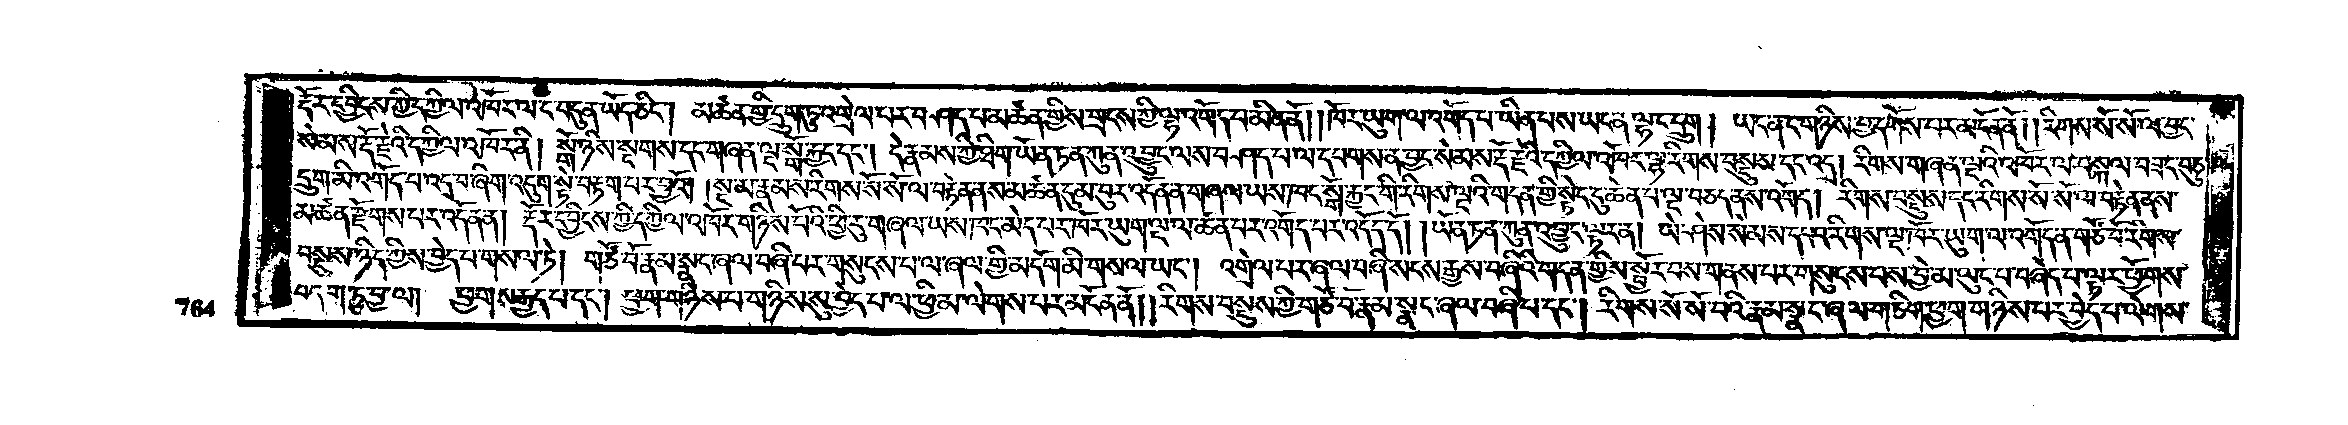རྡོར་དབྱིངས་ཀྱི་དཀྱིལ་འཁོར་ལ་ང་བདུན་ཡོད་ཅིང་། མཚན་གྱི་དྲུག་ཏུ་འགྲེལ་པར་བཤད་པ་མཚན་གྱིས་གྲངས་ཀྱི་ལྷ་འགོད་པ་མིན་ནོ། །ཁོར་ཡུག་ལ་འགོད་པ་ཡིན་པས་ཡང་ན་ལྷ་ང་དྲུག །ཡང་ན་ང་གཉིས་བྱ་དགོས་པར་མངོན་ནོ། །རིགས་སོ་སོ་ལ་བྱང་
སེམས་རྡོ་རྗེའི་དཀྱིལ་འཁོར་ནི། སྒོ་ཉིས་སྔགས་དང་གཞན་ལྔ་སྒོ་རྐྱང་དང་། དེ་རྣམས་ཀྱི་ཐིག་ཡོན་ཏན་ཀུན་འབྱུང་ལས་བཤད་པ་ལ་དཔགས་ན་བྱང་སེམས་རྡོ་རྗེའི་དཀྱིལ་འཁོར་ལྷ་རིགས་བསྡུས་དང་འདྲ། རིགས་གཞན་ལྔའི་འཁོར་ལ་བསྐལ་བཟང་བཅུ་
དྲུག་མི་འགོད་པ་འདྲ་བ་ཞིག་འདུག་སྟེ་བརྟག་པར་བྱའོ། །སྔ་མ་རྣམས་རིགས་སོ་སོ་ལ་བརྟེན་ནས་མཚན་དུམ་བུར་འདོན་ན་གཞལ་ཡས་ཁང་སྒོ་རྐྱང་གི་རིགས་ལྔའི་གདན་གྱི་སྟེང་དུ་ཆེན་པ་ལྔ་བཅད་ནས་འགོད། རིགས་བསྡུས་དང་རིགས་སོ་སོ་ལ་བརྟེན་ནས་
མཚན་རྫོགས་པར་འདོན་ན། རྡོར་དབྱིངས་ཀྱི་དཀྱིལ་འཁོར་གཉིས་པོའི་ཕྱི་རུ་གཞལ་ཡས་ཁང་མེད་པར་ཁོར་ཡུག་ལྔ་ལ་ཚན་པར་འགོད་པར་འདོད་དོ། །ཡོན་ཏན་ཀུན་འབྱུང་ལྟར་ན། ཡེ་ཤེས་སེམས་དཔའ་རིགས་ལྔ་ཁོར་ཡུག་ལ་འགོད་ན་གཙོ་བོ་རིགས་
བསྡུས་ཉིད་ཀྱིས་བྱེད་པ་གསལ་ཏེ། གཙོ་བོ་རྣམས་སྣང་ཞལ་བཞི་པར་གསུངས་པ་ལ་ཞལ་གྱི་མདོག་མི་གསལ་ཡང་། འགྲེལ་པར་ཞལ་བཞི་སངས་རྒྱས་བཞིའི་གདན་གྱིས་སྦྱོར་བས་གནས་པར་གསུངས་པས་བྱེ་མ་ལུང་པ་བཞེད་པ་ལྟར་ཕྱོགས་
བདག་ཏུ་བྱ་ལ། ཕྱགས་རྒྱད་པ་དང་། ཕྱག་གཉིས་པ་གཉིས་སུ་བྱེད་པ་ལ་ཕྱི་མ་ལེགས་པར་མངོན་ནོ། །རིགས་བསྡུས་ཀྱི་གཙོ་བོ་རྣམ་སྣང་ཞལ་བཞི་པ་དང་། རིགས་སོ་སོ་བའི་རྣམ་སྣང་ཞལ་གཅིག་ཕྱག་གཉིས་པར་བྱེད་པ་ལེགས་